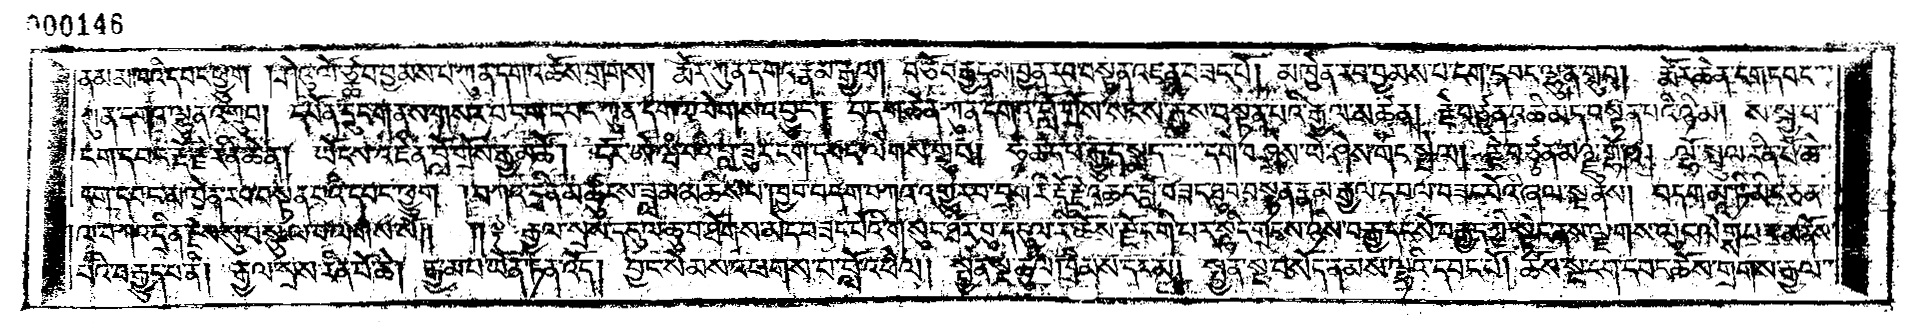ནམ་མཁའི་དབང་ཕྱུག །ཤེའུ་ལོ་ཙྪ་བ་བྱམས་པ་ཀུན་དགའ་ཆོས་གྲགས། རྨོར་ཀུན་དགའ་རྣམ་རྒྱལ། བཅོ་བརྒྱད་མཁྱེན་རབ་བསྟན་འཛིན་བཟང་པོ། མཁྱེན་རབ་བྱམས་པ་ངག་དབང་ལྷུན་གྲུབ། རྨོར་ཆེན་ངག་དབང་
ཀུན་དགའ་ལྷུན་འགྲུབ། དཔོན་དྲུང་གནས་གསར་བ་ངག་དབང་ཀུན་དགའ་ལེགས་འབྱུང་། བདག་ཆེན་ཀུན་དགའ་བློ་གྲོས་སངས་རྒྱས་བསྟན་པའི་རྒྱལ་མཚན། རྗེ་བཙུན་འཆི་མེད་བསྟན་པའི་ཉི་མ། ས་སྐྱ་པ་
ངག་དབང་རྡོ་རྗེ་རིན་ཆེན། ཡོངས་འཛིན་བློ་གྲོས་རྒྱ་མཚོ། ངོར་ཨེ་ཝཾ་བའི་བླ་ཟུར་ངག་དབང་ལེགས་གྲུབ། ཧོ་ཆིད་པ་རྒྱུད་སྨད་དགེ་བཤེས་ཡེ་ཤེས་གོང་སྤེལ། རྗེ་བཙུན་མཉཛུ་གྷོ་ཥ། ལྷོ་སྤྲུལ་རིན་པོ་ཆེ་
ངག་དབང་མཁྱེན་རབ་བསྟན་པའི་དབང་ཕྱུག །བཀའ་དྲིན་མཚུངས་ཟླ་མ་མཆིས་པ་ཁྱབ་བདག་བཀའ་འགྱུར་བ་བྲག་རི་རྡོ་རྗེ་འཆང་བློ་བཟང་ཐུབ་བསྟན་རྣམ་རྒྱལ་དཔལ་བཟང་པོའི་ཞལ་སྔ་ནས། བདག་མཱ་ཏི་མིང་ཅན་
ལ་བཀའ་དྲིན་རྗེས་སུ་བསྩལ་བ་ལགས་སོ།། །།༈ རྒྱལ་སྲས་དངུལ་ཆུ་བ་ཐོགས་མེད་བཟང་པོའི་གསུང་ཐོར་བུ་དངུལ་རི་ཆོས་རྫོང་གི་བར་སྙིང་གྲགས་ཉིས་བརྒྱ་དང་སོ་བརྒྱད་ཀྱི་སྟེང་ནས་ལྗགས་ལུང་ལེགས་པར་མནོས་
པའི་བརྒྱུད་པ་ནི། རྒྱལ་སྲས་རིན་པོ་ཆེ། རྒྱ་མ་པ་ཡོན་ཏན་འོད། བྱང་སེམས་འཕགས་པ་བློ་འཕེལ། སྤྱན་སྔ་ཚུལ་ཁྲིམས་དར་མ། སྤྱན་སྔ་བསོད་ནམས་ལྷའི་དབང་པོ། ཆོས་སྔ་ངག་དབང་ཆོས་གྲགས་རྒྱལ་